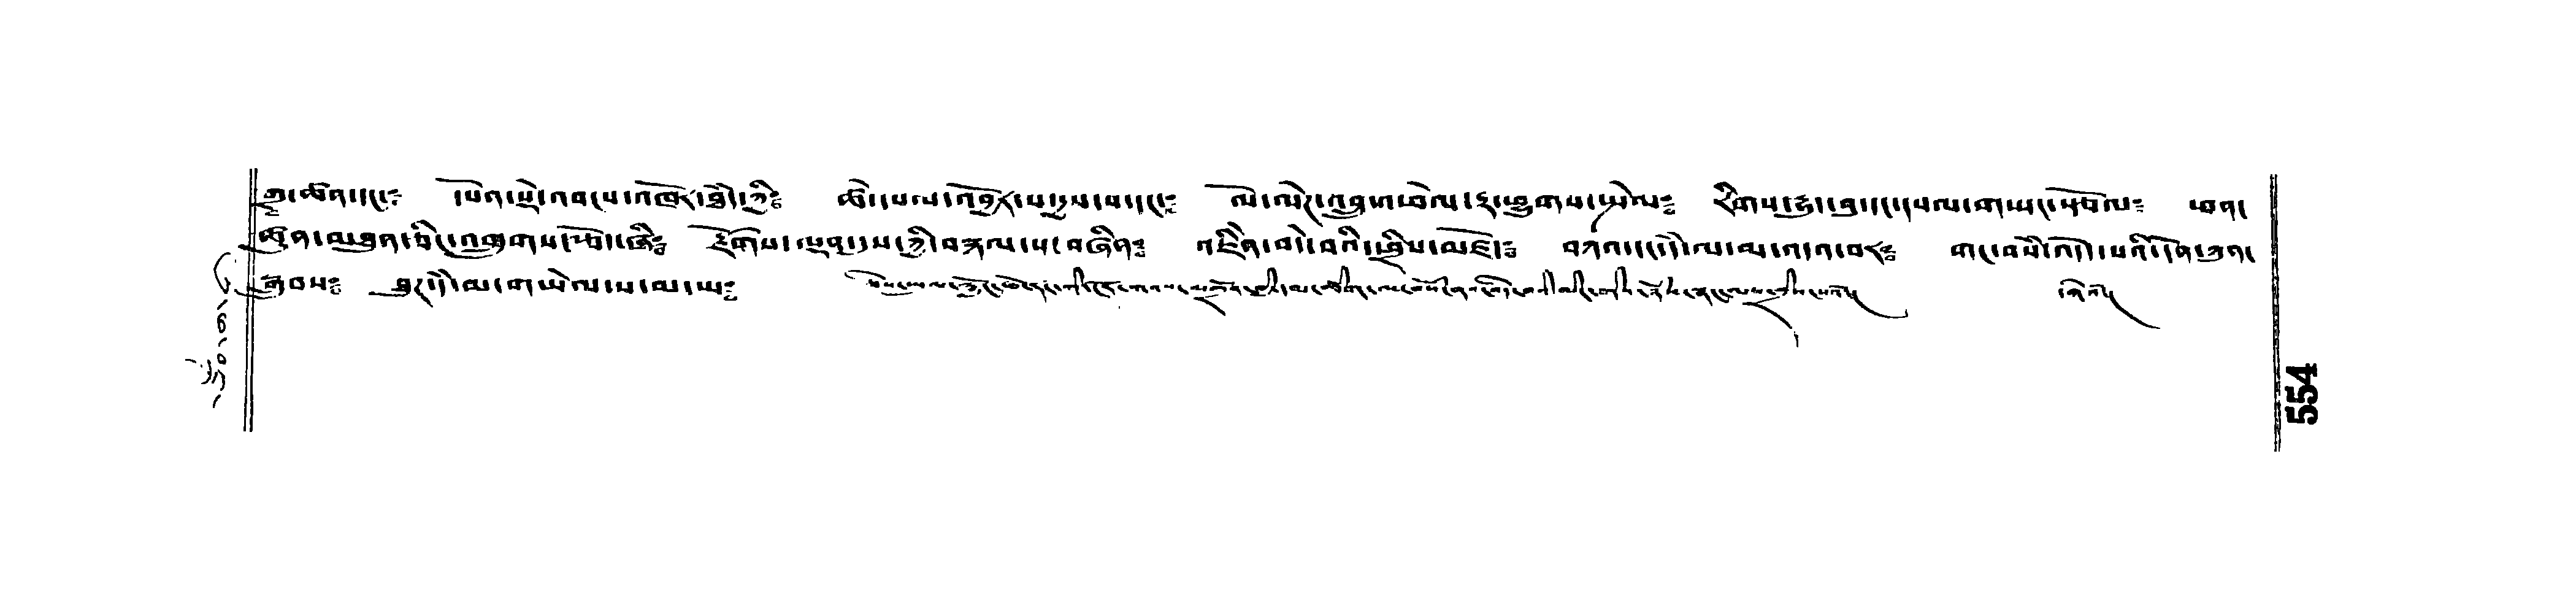གྲྭ་ཚན་དང༔ དཔོན་སྡེ་འབངས་འཁོར་ཐམས་ཅད་ཀྱི༔ ཚེ་དཔལ་འབྱོར་པ་རྒྱས་པ་དང༔ ལོ་ལེགས་འབྲུ་འཕེལ་རྟ་ཕྱུགས་སྤེལ༔རིགས་རྒྱུད་བུ་དང་དཔལ་གཡང་སྩོལ༔ ཕན་
ཚུན་མཐུན་ཅིང་འཁྲུགས་རྩོད་ཞི༔ རྫོགས་ལྡན་དུས་ཀྱི་བསྐལ་པ་བཞིན༔ འཇིག་རྟེན་བདེ་བའི་ཕྲིན་ལས་མཛོད༔ བཀའ་དང་དམ་ལ་མ་འདའ་བར༔ གང་བསམ་འདོད་པའི་དོན་ཀུན་
སྒྲུབས༔ ཐུགས་དམ་མ་གཡེལ་ས་མ་ཡ༔ ཞེས་ཡུལ་སྐྱོང་ཁོ་རང་གི་ངོར་གནས་མགྲོན་གྱི་དམ་ཚིག་ལ་བསམ་ནས་བདེ་བའི་མིང་གིས་ཉམས་སྣང་ལ་བྲིས་པའོ།། དགེའོ།།